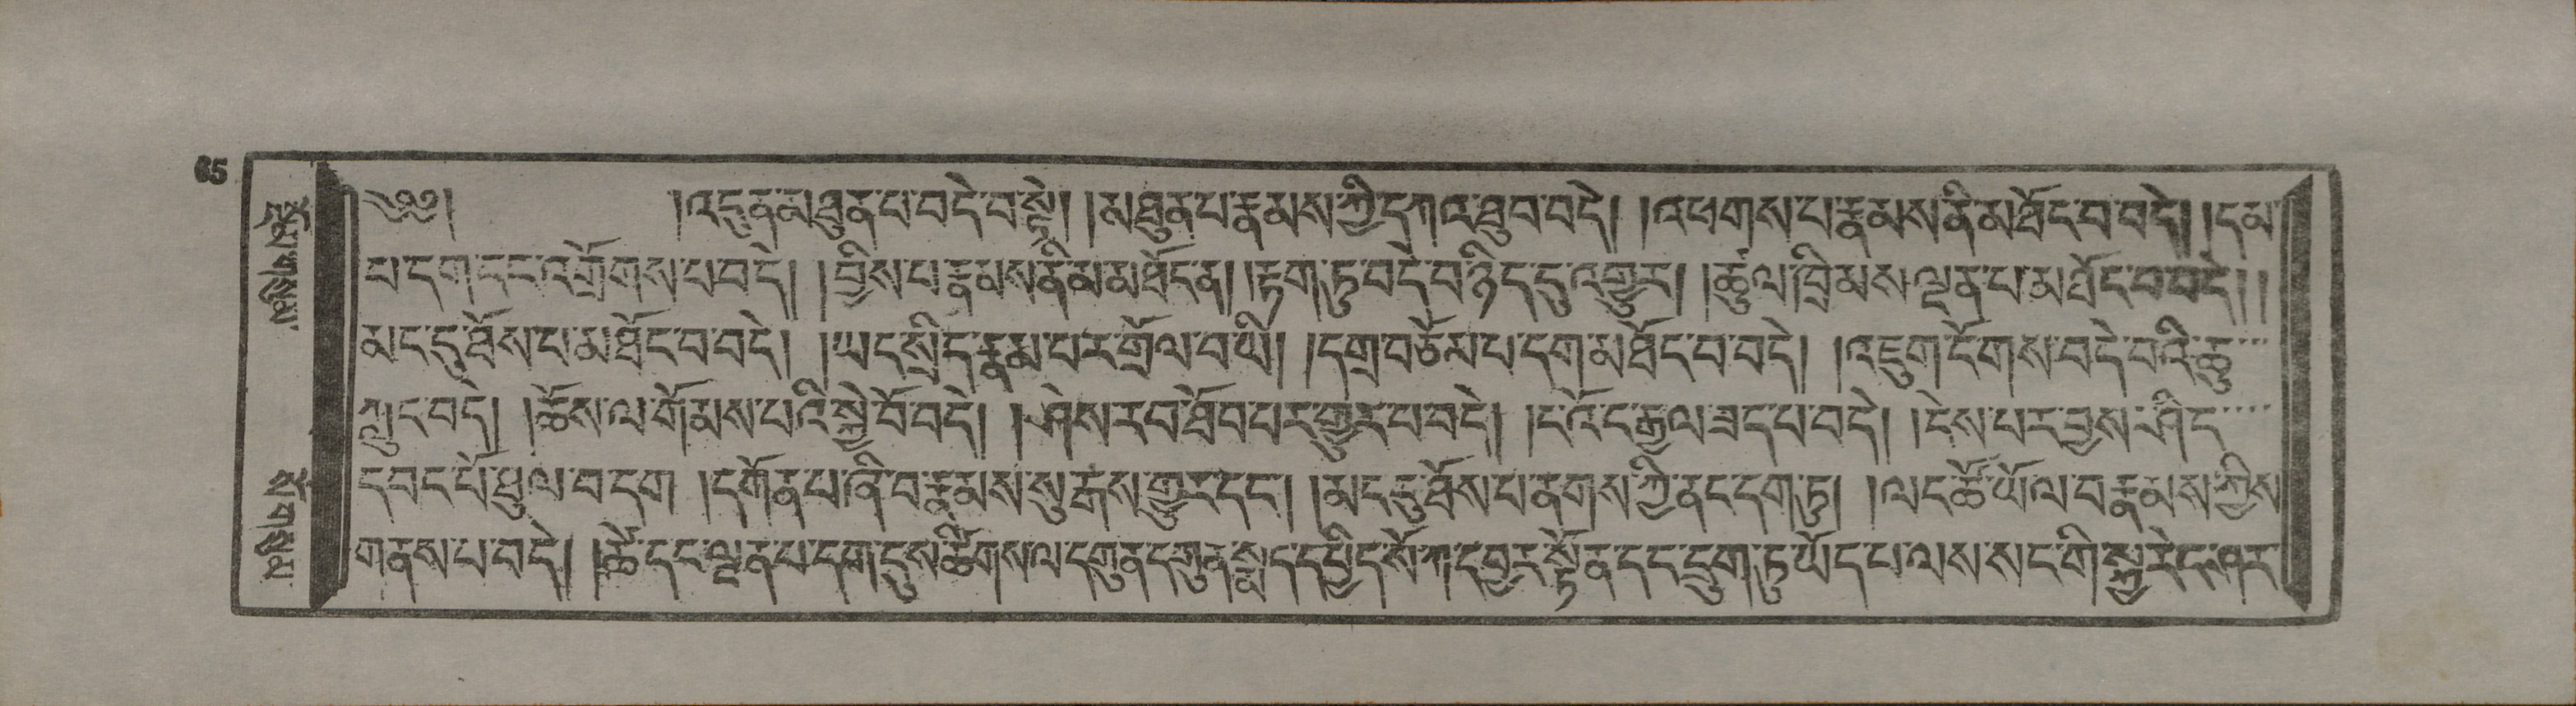༄༅། །འདུན་མཐུན་པ་བདེ་བ་སྟེ། །མཐུན་པ་རྣམས་ཀྱི་དཀའ་ཐུབ་བདེ། །འཕགས་པ་རྣམས་ནི་མཐོང་བ་བདེ། །དམ་
པ་དག་དང་འགྲོགས་པ་བདེ། །བྱིས་པ་རྣམས་ནི་མ་མཐོང་ན། །རྟག་ཏུ་བདེ་བ་ཉིད་དུ་འགྱུར། །ཚུལ་ཁྲིམས་ལྡན་པ་མཐོང་བ་བདེ།།
མང་དུ་ཐོས་པ་མཐོང་བ་བདེ། །ཡང་སྲིད་རྣམ་པར་གྲོལ་བ་ཡི། །དགྲ་བཅོམ་པ་དག་མཐོང་བ་བདེ། །འཇུག་དོགས་ངོགས་བདེ་བའི་ཆུ་
ཀླུང་བདེ། །ཆོས་ལ་གོམས་པའི་སྐྱེ་བོ་བདེ། །ཤེས་རབ་ཐོབ་པར་གྱུར་པ་བདེ། །པའོ་ངའོ་ང་རྒྱལ་ཟད་པ་བདེ། །དེས་ངེས་པར་བྱས་ཤིང་
དབང་པོ་ཐུལ་བ་དག །དགོན་པ་ཞི་བ་རྣམས་སུ་རྒས་གྱུར་དང་། །མང་དུ་ཐོས་པ་ནགས་ཀྱི་ནང་དག་ཏུ། །ལང་ཚོ་ཡོལ་བ་རྣམས་ཀྱིས་
གནས་པ་བདེ། །ཚེ་དང་ལྡན་པ་དག་དུས་ཚིགས་ལ་དགུན་དགུན་སྨད་དཔྱིད་སོ་ཀ་དབྱར་སྟོན་དང་དྲུག་ཏུ་ཡོད་པ་ལས་སང་གི་སྐྱ་རེང་ཤར་